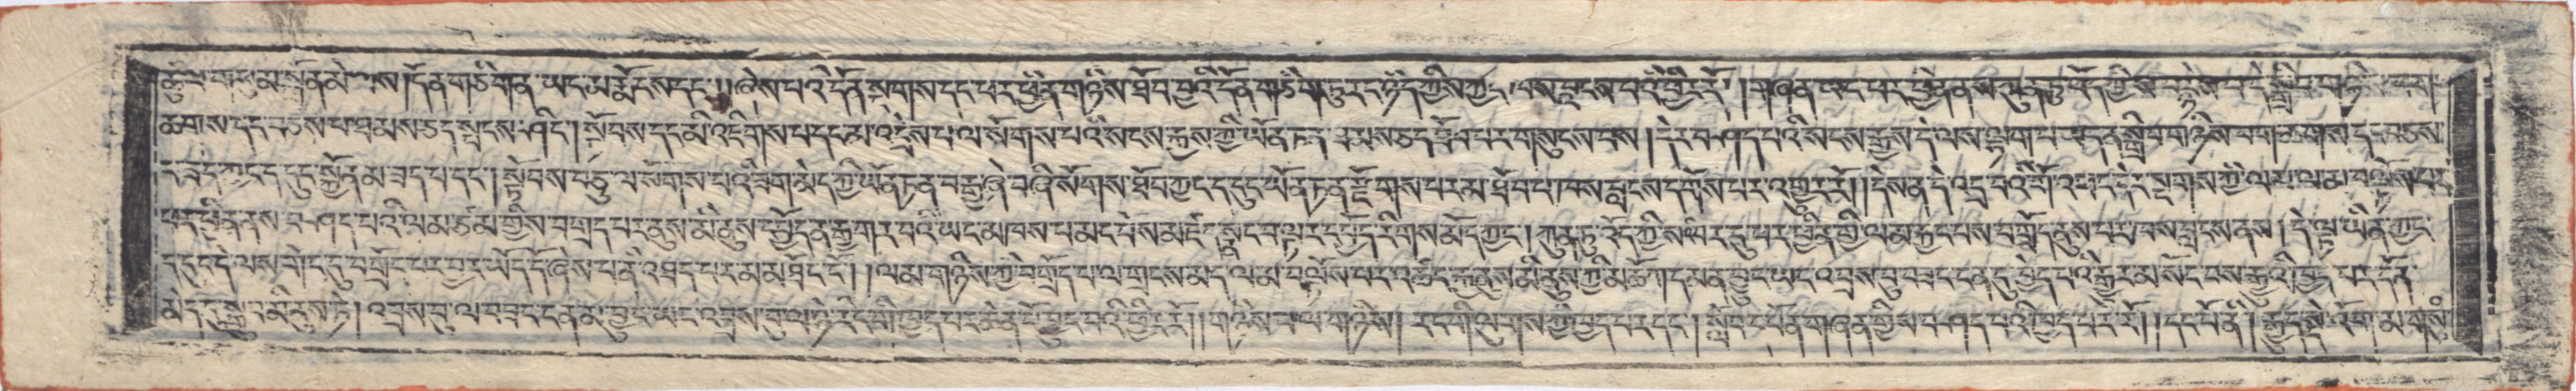ཚུལ་གསུམ་སྒྲོན་མེ་ལས། དོན་གཅིག་ན་ཡང་མ་རྨོངས་དང་། །ཞེས་པའི་དོན་སྔགས་དང་ཕར་ཕྱིན་གཉིས་ཐོབ་བྱའི་དོན་གཅིག་ཏུ་རང་ཉིད་ཀྱིས་ཀྱང་ཁས་བླངས་པའི་ཕྱིར་རོ། །གཞན་ཡང་ཕར་ཕྱིན་ནས་ཀུན་ཏུ་འོད་ཀྱི་ས་བརྙེས་པ་དེ་སྒྲིབ་གཉིས་བག་
ཆགས་དང་བཅས་པ་ཐམས་ཅད་སྤངས་ཤིང་། སྟོབས་དང་མི་འཇིགས་པ་དང་མ་འདྲེས་པ་ལ་སོགས་པའི་སངས་རྒྱས་ཀྱི་ཡོན་ཏན་ཐམས་ཅད་ཐོབ་པར་གསུངས་པས། དེར་བཤད་པའི་སངས་རྒྱས་དེ་ལས་ལྷག་པ་ཡོད་ན་སྒྲིབ་གཉིས་བག་ཆགས་དང་བཅས་
པ་ཟད་ཀྱང་ད་དུང་སྐྱོན་མ་ཟད་པ་དང་། སྟོབས་བཅུ་ལ་སོགས་པའི་ཟག་མེད་ཀྱི་ཡོན་ཏན་བརྒྱ་ཞེ་བཞི་སོགས་ཐོབ་ཀྱང་ད་དུང་ཡོན་ཏན་རྫོགས་པར་མ་ཐོབ་པ་ཁས་བླངས་དགོས་པར་འགྱུར་རོ། །དེས་ན་དེ་འདྲ་བའི་གོ་འཕང་དེར་སྔགས་ཀྱི་ལམ་ལ་མ་བལྟོས་པར་
ཕར་ཕྱིན་ནས་བཤད་པའི་ལམ་ཙམ་གྱིས་བགྲད་པར་ནུས་མི་ནུས་དཔྱོད་ན་རྒྱ་གར་བའི་ཡང་མཁས་པ་མང་པོས་མཛད་སྣང་བ་ལྟར་དཔྱོད་རིགས་མོད་ཀྱང་། ཀུན་ཏུ་འོད་ཀྱི་སའི་བར་དུ་ཕར་ཕྱིན་གྱི་ལམ་རྐྱང་པས་བགྲོད་ནུས་པར་ཁས་བླངས་ནས། དེ་ལྟ་ཡིན་ཀྱང་
ད་དུང་དེ་ལས་གོང་དུ་བགྲོད་པར་བྱར་ཡོད་དོ་ཞེས་པ་ནི་འཐད་པར་མ་མཐོང་ངོ། །ལམ་གཉིས་ཀྱི་བགྲོད་པ་ལ་གྲངས་མེད་ལ་མ་བལྟོས་པར་འཚང་རྒྱ་ནུས་མི་ནུས་ཀྱི་མཆོག་དམན་བྱུང་ཡང་འབྲས་བུ་བཟང་ངན་དུ་བྱེད་པའི་རྒྱུར་མ་སོང་བས་རྒྱུའི་ཁྱད་པར་དོན་
མེད་དུ་སྒྲུབ་མི་ནུས་ཏེ། འབྲས་བུ་ལ་བཟང་ངན་མ་བྱུང་ཡང་འབྲས་བུ་ལ་ཉེ་རིང་གི་ཁྱད་པར་ཆེན་པོ་བྱུང་བའི་ཕྱིར་རོ། །གཉིས་པ་ལ་གཉིས། རང་གི་ལུགས་ཀྱི་ཁྱད་པར་དང་། སློབ་དཔོན་གཞན་གྱིས་བཤད་པའི་ཁྱད་པར་རོ། །དང་པོ་ནི། རྒྱུད་སྡེ་འོག་མ་གསུམ་